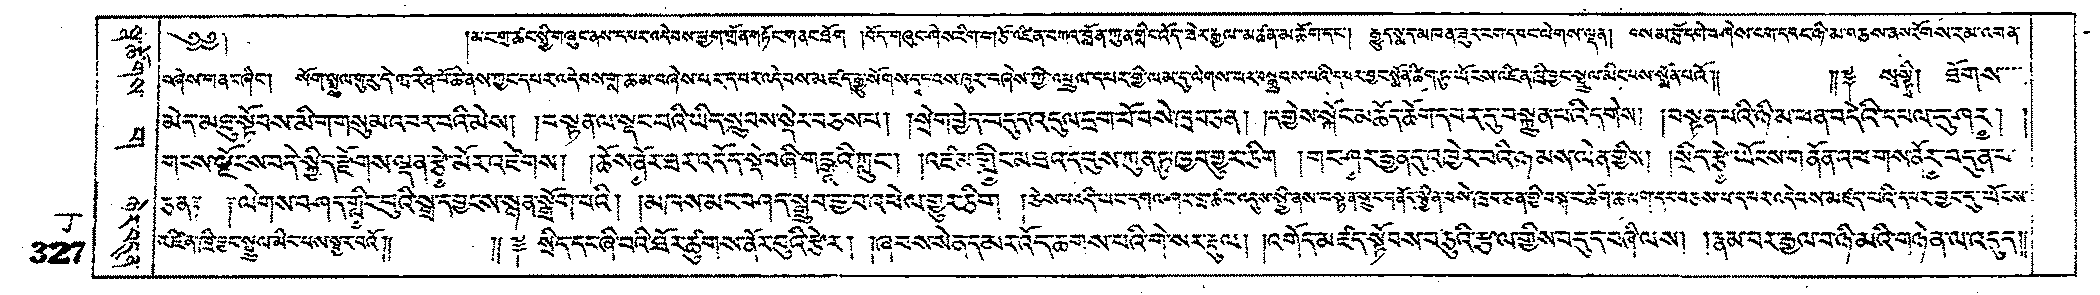༄༅། །མང་གྲ་ཚང་སྤྱི་གཞུང་ནས་དཔར་འདེབས་ཕྱག་གྲོན་གཏོང་གནང་ཐོག །བོད་གཞུང་ཤེས་རིག་གཙོ་འཛིན་བཀའ་བློན་ཀུན་གླིང་འོད་ཟེར་རྒྱལ་མཚན་མཆོག་དང་། རྒྱུད་སྨད་མཁན་ཟུར་ངག་དབང་ལེགས་ལྡན། བསམ་བློ་དགེ་བཤེས་ངག་དབང་ཉི་མ་བཅས་ནས་རོགས་རམ་འགན་
བཞེས་གནང་ཞིང་། སོག་སྤྲུལ་གུ་རུ་དེ་ཝ་རིན་པོ་ཆེ་ནས་ཀྱང་དཔར་འདེབས་གླ་ཆ་མ་བཞེས་པར་དཔར་འདེབས་མཛད་རྒྱུ་སོགས་དྭང་བས་ཁུར་བཞེས་ཀྱི་འཕྲུལ་དཔར་གྱི་ལམ་དུ་ལེགས་པར་བསྒྲུབས་པའི་དཔར་བྱང་སྨོན་ཚིག་ཏུ་ཡོངས་འཛིན་ཁྲི་བྱང་སྤྲུལ་མིང་པས་སྨོན་པའོ།། །།འ་སྭསྟྭི། ཐོགས་་་
མེད་མཐུ་སྟོབས་མིག་གསུམ་འབར་བའི་མེས། །བསྟན་ལ་སྡང་བའི་ཡིད་སྲུབས་སྡེར་བཅས་པ། །སྲེག་བྱེད་བདུད་འདུལ་དྲག་པོ་བསེ་ཁྲབ་ཅན། །དགྱེས་སྐོང་མཆོད་ཆོག་དཔར་དུ་བསྐྲུན་པའི་དགེས། །བསྟན་པའི་ཉི་མ་ཕན་བདེའི་དཔལ་དུ་ཤར། །
གངས་ལྗོངས་བདེ་སྐྱིད་རྫོགས་ལྡན་རྩེ་མོར་འཛེགས། །ཆོས་ནོར་ཐར་འདོད་སྡེ་བཞི་གངྒཱའི་ཀླུང་། །འཛམ་གླིང་མཐའ་དབུས་ཀུན་ཏུ་ཁྱབ་གྱུར་ཅིག །གང་ཤར་རྒྱན་དུ་འཁྱེར་བའི་ཉམས་ལེན་གྱིས། །སྲིད་རྩེ་ཡོངས་གནོན་འཕགས་ནོར་བདུན་པ་
ཅན༑ ༑ལེགས་བཤད་གླིང་བུའི་སྒྲ་དབྱངས་སྙན་སྒྲོག་པའི། །མཁས་མང་བཤད་སྒྲུབ་བྱ་བ་འཕེལ་གྱུར་ཅིག །ཅེས་པ་འདི་ཡང་དགའ་ཤར་གྲ་ཚང་འདུས་སྤྱི་ནས་བསྟན་སྲུང་གནོད་སྦྱིན་བསེ་ཁྲབ་ཅན་གྱི་བསྐང་ཆོག་ཆ་ལག་དང་བཅས་པ་དཔར་འདེབས་མཛད་པའི་དཔར་བྱང་དུ་ཡོངས་
འཛིན་ཁྲི་བྱང་སྤྲུལ་མིང་པས་སྦྱར་བའོ།། །།འ་སྲིད་དང་ཞི་བའི་ཐོར་ཚུགས་ནོར་བུའི་རྩེར། །ཞབས་སེན་དམར་འོད་ཆགས་པའི་གེ་སར་རྡུལ། །འགོད་མཛད་སྟོབས་བཅུའི་རྩལ་གྱིས་བདུད་བཞི་ལས། །རྣམ་པར་རྒྱལ་བ་ཉི་མའི་གཉེན་ལ་འདུད།།